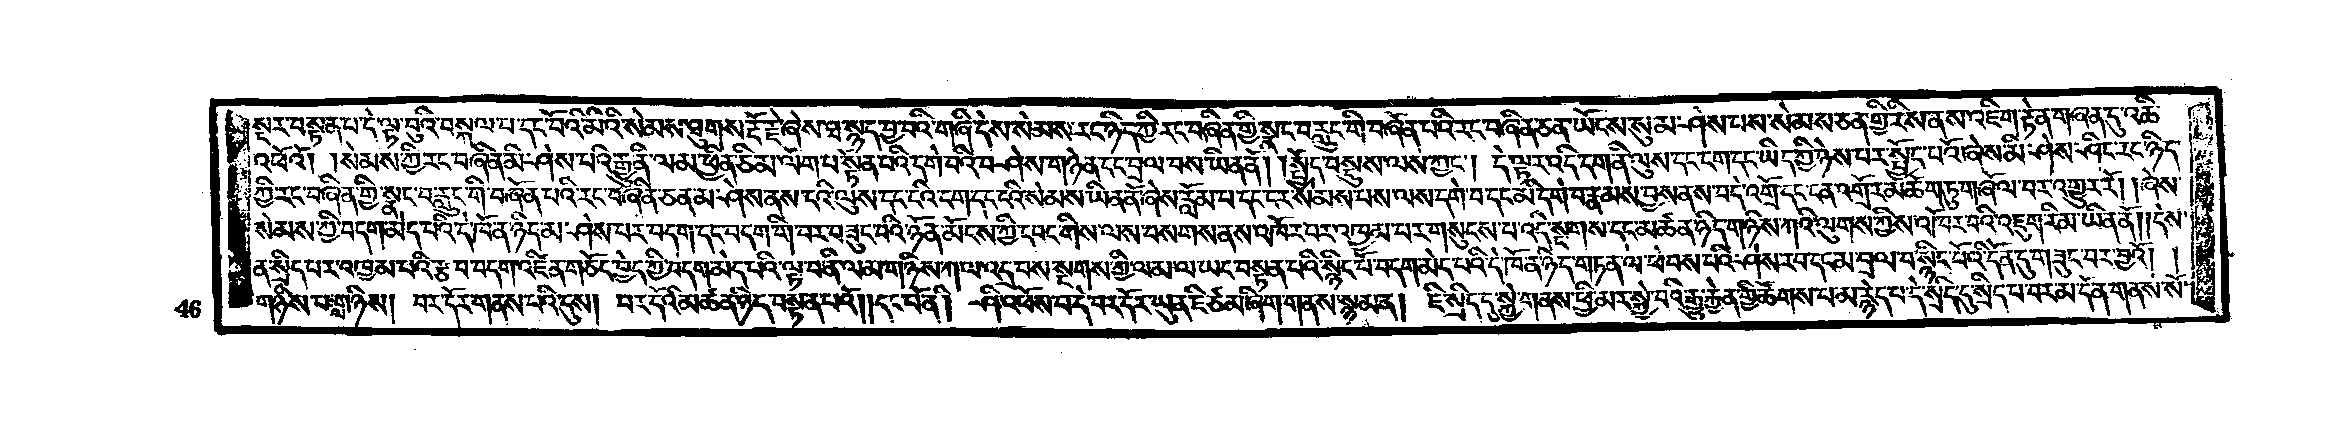སྔར་བསྟན་པ་དེ་ལྟ་བུའི་བསྐལ་པ་དང་པོའི་མིའི་སེམས་ཐུགས་རྡོ་རྗེ་ཞེས་ཐ་སྙད་བྱ་བའི་གཞི་དེས་སེམས་རང་ཉིད་ཀྱི་རང་བཞིན་གྱི་སྣང་བ་རླུང་གི་བཞོན་པའི་རང་བཞིན་ཅན་ཡོངས་སུ་མ་ཤེས་པས་སེམས་ཅན་གྱི་རིས་ནས་འཇིག་རྟེན་གཞན་དུ་འཆི་
འཕོའོ། །སེམས་ཀྱི་རང་བཞིན་མི་ཤེས་པའི་རྒྱུ་ནི་ལམ་ཕྱིན་ཅི་མ་ལོག་པ་སྟོན་པའི་དགེ་བའི་བཤེས་གཉེན་དང་བྲལ་བས་ཡིན་ནོ། །སྤྱོད་བསྡུས་ལས་ཀྱང་། དེ་ལྟར་འདི་དག་ནི་ལུས་དང་ངག་དང་ཡིད་ཀྱི་ཉེས་པར་སྤྱོད་པའོ་ཞེས་མི་ཤེས་ཤིང་རང་ཉིད་
ཀྱི་རང་བཞིན་གྱི་སྣང་བ་རླུང་གི་བཞོན་པའི་རང་བཞིན་ཅན་མ་ཤེས་ནས་ངའི་ལུས་དང་ངའི་ངག་དང་ངའི་སེམས་ཡིན་ནོ་ཞེས་རློམ་པ་དང་ངར་སེམས་པས་ལས་དགེ་བ་དང་མི་དགེ་བ་རྣམས་བྱས་ནས་བདེ་འགྲོ་དང་ངན་འགྲོར་མཆོག་ཏུ་གཞོལ་བར་འགྱུར་རོ། །ཞེས་
སེམས་ཀྱི་བདག་མེད་པའི་དེ་ཁོ་ན་ཉིད་མ་ཤེས་པར་བདག་དང་བདག་གི་བར་བཟུང་བའི་ཉོན་མོངས་ཀྱི་དབང་གིས་ལས་བསགས་ནས་འཁོར་བར་འཁྱམ་པར་གསུངས་པ་འདི་སྔགས་དང་མཚན་ཉིད་གཉིས་ཀའི་ལུགས་ཀྱིས་འཁོར་བའི་འཇུག་རིམ་ཡིན་ནོ། །དེས་
ན་སྲིད་པར་འཁྱམ་པའི་རྩ་བ་བདག་འཛིན་གཅོད་བྱེད་ཀྱི་བདག་མེད་པའི་ལྟ་བ་ནི་ལམ་གཉིས་ཀ་ལ་འདྲ་བས་སྔགས་ཀྱི་ལམ་ལ་ཡང་བསྟན་པའི་སྙིང་པོ་བདག་མེད་པའི་དེ་ཁོ་ན་ཉིད་གཏན་ལ་ཕེབས་པའི་ཤེས་རབ་དང་མ་བྲལ་བ་སྙིང་པོའི་དོན་དུ་གཟུང་བར་བྱའོ། །
གཉིས་པ་ལ་གཉིས། བར་དོར་གནས་པའི་དུས། བར་དོའི་མཚན་ཉིད་བསྟན་པའོ། །དང་པོ་ནི། ཤི་འཕོས་པ་དེ་བར་དོར་ཡུན་ཇི་ཙམ་ཞིག་གནས་སྙམ་ན། ཇི་སྲིད་དུ་སྐྱེ་གནས་ཕྱི་མར་སྐྱེ་བའི་རྒྱུ་རྐྱེན་གྱི་ཚོགས་པ་མ་རྙེད་པ་དེ་སྲིད་དུ་སྲིད་པ་བར་མ་དོ་ན་གནས་སོ་